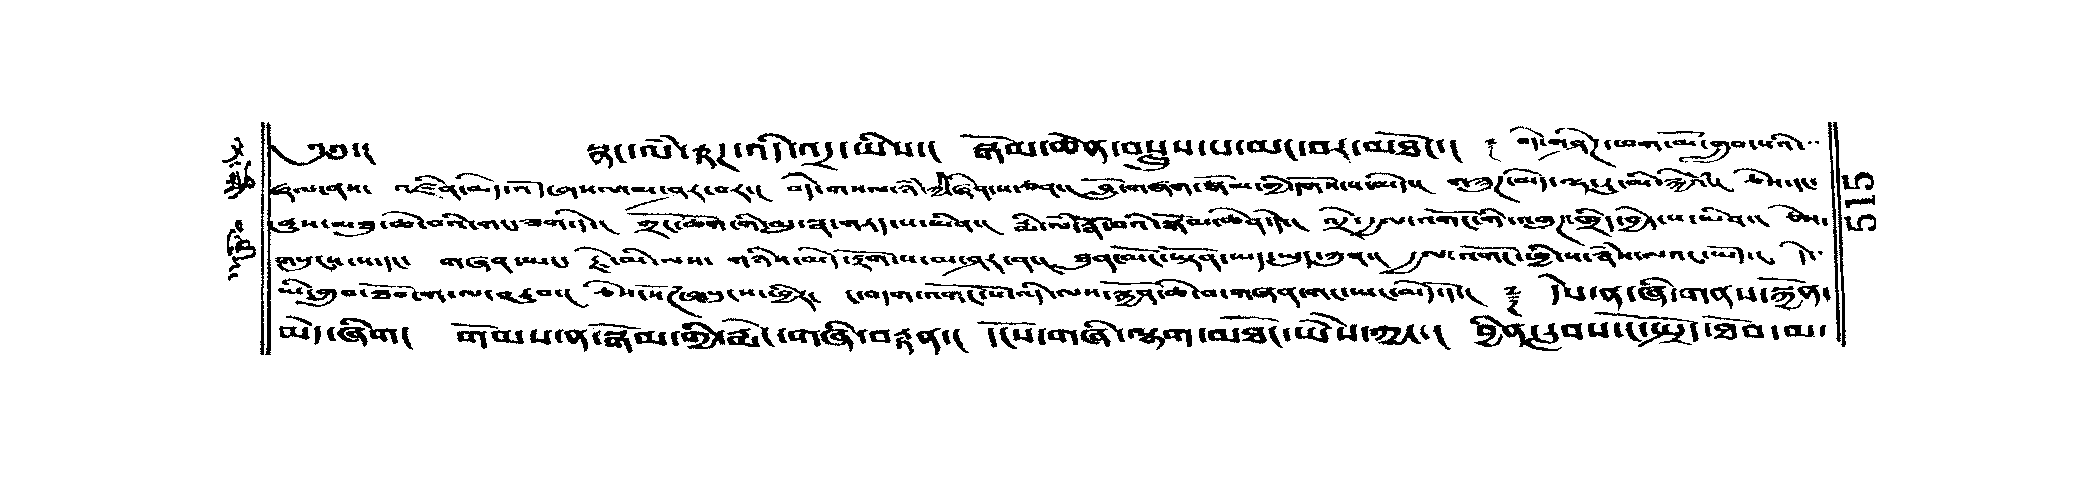སྣང་ལམ་རྟགས་འདི་འདྲ་ཡིས། །སྒོམ་ཆེན་བསླུས་པ་མང་བར་མཐོང་། ༈ བདེ་གཤེགས་ཕག་མོ་གྲུ་པའི་
ཞལ་ནས། འཛིན་མེད་འོད་གསལ་མ་ཤར་བར། །བདེ་གསལ་ཉམ་གྱི་ཞེན་པ་ཅན། །བློ་གཞག་སྒོམ་གྱི་དགོས་པ་མེད། །གཟུགས་མེད་ལྷ་རུ་མི་སྐྱེའམ། ཅེས་དང་། 
ནུས་མཐུ་ཆེ་བའི་གང་ཟག་དེ། །གྲོང་ཆོག་གི་མུ་སྣ་གཏད་པ་ཡིན། །རྨི་ལམ་རྣོ་བའི་སྒོམ་ཆེན་དེ། །འདྲེ་རྒྱལ་འགོང་གི་འགུགས་ཁྲིད་བྱེད་པ་ཡིན། ཅེས་
གསུངས་པ་དང་། གཞན་ཡང་རྗེ་མི་ལས། གཉིས་མེད་རྟོག་པ་མ་ཤར་ན། །ཐུན་མོང་ཡོན་ཏན་ཡད་ཡུད་ཀུན། །རྒྱལ་འགོང་ཕྱི་པ་རྣམས་ལའང་ཡོད། །དེ་
ཡི་གྲུབ་ཐོབ་ག་ལ་བཏུབ། ཅེས་སོགས་གསུངས་ཕྱིར། ང་བདག་འགོང་པོ་འདི་ལས་སྐྱོན་ཆེ་བ་གཞན་གང་ཡང་མེད་དོ།། ༈ དེས་ན་ཞི་གནས་སྐྱོན་
མེད་ཞིག །གོམས་ན་སྒོམ་གྱི་རྨང་གཞི་བརྟན། །དངོས་གཞི་ལྷག་མཐོང་ཡེ་ཤེས་ཀྱང་། །བྱིན་རླབས་ངོ་སྤྲོད་ཐོབ་མ་